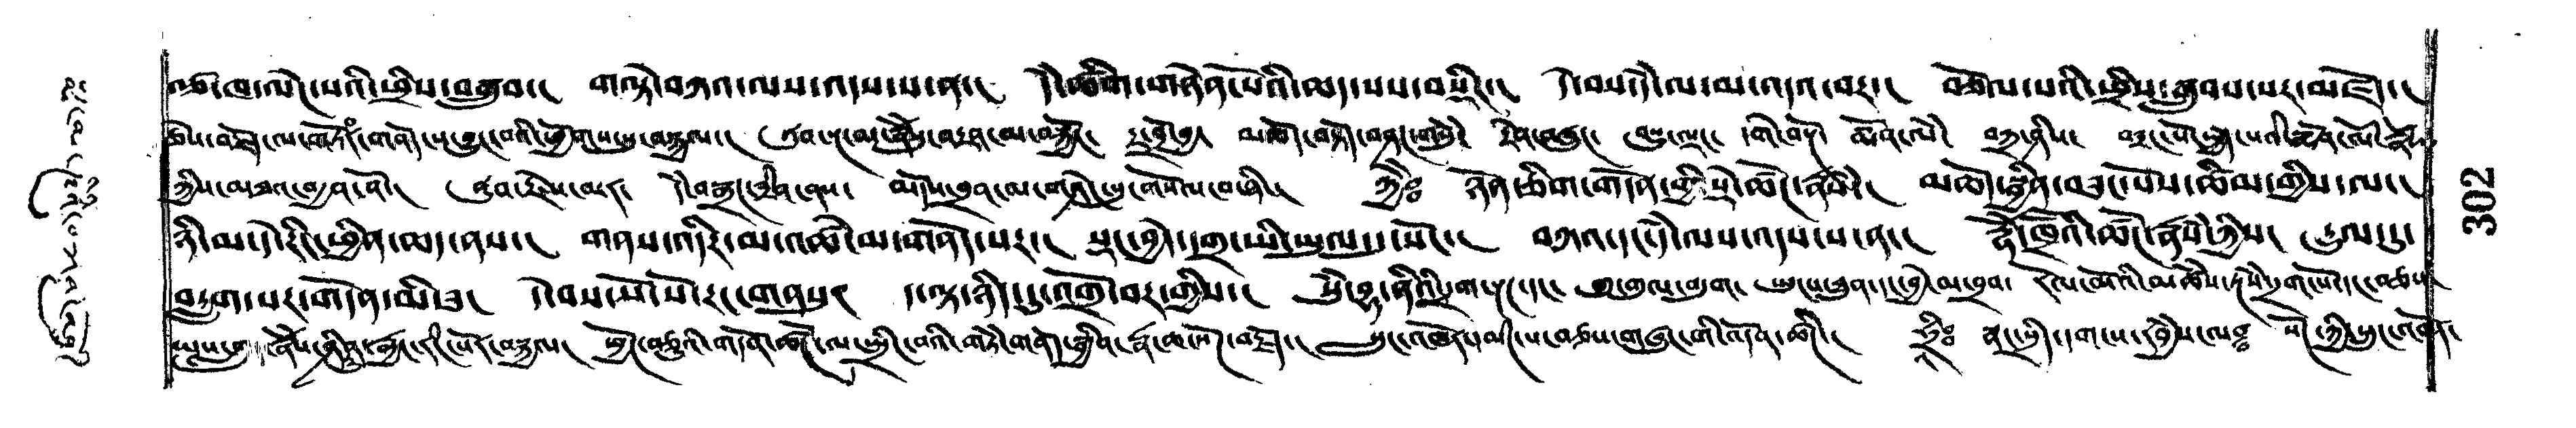།རྩ་ཁ་ལེགས་པའི་ཕྲིན་ལས་སྒྲུབས། །གལ་ཏེ་བཀའ་ལས་འདས་པ་ན། །དམ་ཚིག་གཉེན་པོའི་ཆད་པས་བསྡིགས། །དེ་བས་དམ་ལ་མ་འདའ་བར། བཅོལ་པའི་ཕྲིན་ལས་སྒྲུབ་པར་མཛོད། 
ཅེས་བརྗོད་ལ་གཏོར་མ་གནོད་པ་བྱུང་བའི་ཕྱོགས་སུ་བསྐྱལ། ནུབ་སྔ་མ་རྣམས་སུ་བརྟན་མ་བསྐྱང་། རྟ་བྲོ་བྱ། མཆོད་བསྟོད་བཤགས་གསུམ། རྟེན་བཞུགས། བསྡུ་ལྡང་། དགེ་བསྔོ། སྨོན་ལམ། བཀྲ་ཤིས། བཟང་པོ་སྤྱོད་པའི་སྨོན་ལམ་རྣམས་
ཀྱིས་མཐའ་བརྒྱན་ནོ། ནུབ་རྗེས་མར། དམ་བསྒྲགས་ཟིན་ནས། མདོས་བྲན་ལ་གཤེགས་སུ་གསོལ་བ་ནི། ཀྱཻ། ཉོན་ཅིག་གདོན་གྱི་སྡེ་ཚོགས་རྣམས། །མཆོད་སྦྱིན་བཟང་པོས་ཚིམ་གྱིས་ལ། །
ཉི་མ་དེ་རིང་ཕྱིན་ཆད་ནས། །གནས་འདིར་མ་འཚེ་མ་གནོད་པར། །སྡང་བྱེད་དགྲ་ཡི་ཡུལ་དུ་སོང་། །བཀའ་དང་དམ་ལས་འདས་པ་ན། །རྡོ་རྗེ་ཁྲོ་བོའི་ཚོགས་རྣམས་ཀྱིས། །རྡུལ་དུ་
བརླག་པར་གདོན་མི་ཟ། །དེ་བས་སོ་སོ་རང་གནས་སུ། །ད་ལྟ་ཉིད་དུ་འགྲོ་བར་གྱིས། སུམ་བྷ་ན ིའི་དྲག་སྔགས་དང་། གུ་གུལ་བདུག ཡུངས་ཐུན་དང་བྱེ་མ་བྲབ། རོལ་མོའི་མཚམས་རྔམས་དྲག་པོ་དང་བཅས་
ཡས་གླུད་རྣམས་ཤིན་ཏུ་རྒྱང་རིང་པོར་བསྐྱལ། ཕྱོགས་བཅུའི་གདོན་ཚོགས་ལ་སྤྲིངས་བའི་གཏམ་གནོད་སྦྱིན་གྱི་རྣ་ཆ་སོགས་བརྗོད། སྲུང་འཁོར་དམིགས་པ་བཅས་གཞུང་གི་འདོན་ཚིག ཧྲཱིཿ སྣང་སྲིད་དག་པ་རབ་འབྱམས་ལ༔ སོགས་ཀྱི་སྲུང་འཁོར་